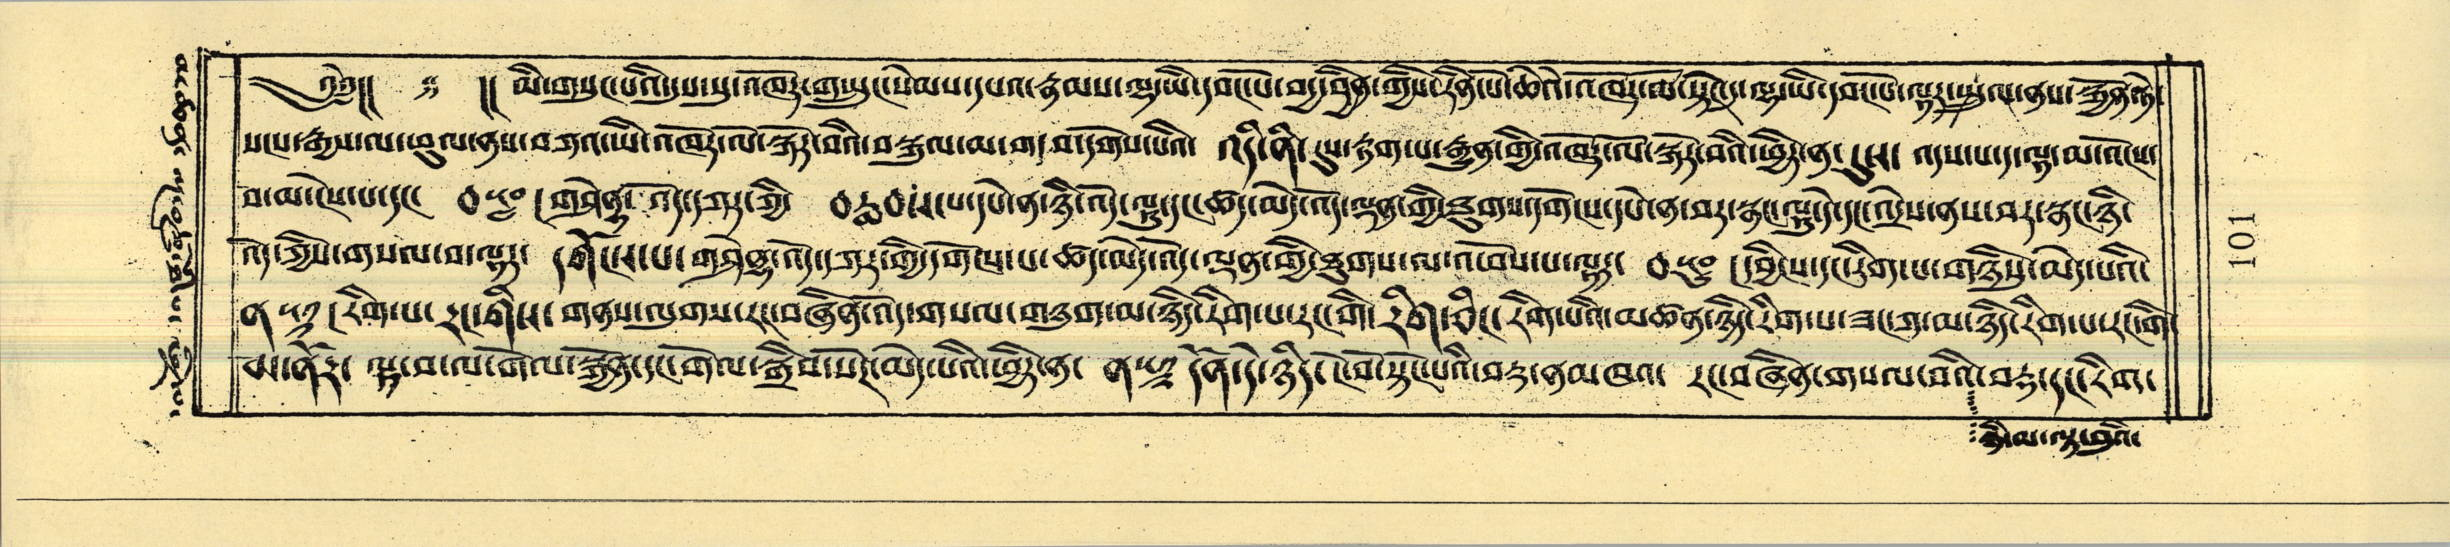མི་གསུང་བའི་དུས་སུ་འཁོར་གཡུང་དྲུང་སེམས་དཔའ་རྣམས་ལྷའི་དབང་པོ་བརྒྱ་བྱིན་གྱིས་རིན་པོ་ཆེའི་འཁོར་ལོའི་སྟེང་དུ་ལྷའི་དབང་པོ་ལྟར་སྤྲུལ་ནས་བསྐྱོན་ཏེ་
སངས་རྒྱས་ལ་ཕུལ་ནས་བཀའ་ཡི་འཁོར་ལོ་བསྐོར་བའི་བསྐུལ་མ་གདབ་དགོས་པའི་༼འདི་ནི༽དུས་རྟག་པ་རྒྱུན་གྱི་འཁོར་ལོ་བསྐོར་བའི་ཕྱིར་ན་༼དུས༽འདས་པ་ད་ལྟ་མ་འོངས་
པ་མ་ངེས་པ་དང་བ༥༠།༤ གཤེན་ལྷ་འོད་དཀར་གྱི་༼བརླབས་པ༽དཔེ་ན་ཉི་འོད་ལྟ་བུ་དང་ཚད་མེད་འོད་ལྡན་གྱི་ཐུགས་དགོངས་དཔེ་ན་བར་སྣང་ལྟ་བུ་དེ་དང་འདྲེས་ནས་བར་སྣང་ཉི་
འོད་ཀྱིས་གསལ་བ་ལྟར་༼དགོངས་པ༽གཤེན་ལྷ་འོད་དཀར་གྱི་དགོངས་པ་ཚད་མེད་འོད་ལྡན་གྱི་ཐུགས་ལ་འཕོས་པ་ལྟར་བ༥༠།༦ དབྱིངས་དང་རིག་པ་གཉིས་སུ་མེད་པའི་
ན༥༡།༡ རིག་པ་༼རང་གིས༽གནས་ལུགས་རང་བཞིན་འོད་གསལ་གཉུག་མ་ཉིད་རིག་པ་རང་གི་༼རིག་ཅིང་༽རིག་པའི་མཚན་ཉིད་རིག་པ་ཟང་ཀ་མ་ཉིད་རིག་པ་རང་གི་
༼མ་ནོར༽ལྟ་བ་ལ་གོལ་སྐྱོན་དང་གོལ་སྐྱོན་སོགས་མེད་པའི་ཕྱིར་ན་ན༥༡།༢༼དོན་དེ་ཉིད༽ངོ་བོ་སྟོང་པའི་བརྡ་ནམ་མཁའ་རང་བཞིན་གསལ་བའི་ཉི་མ་ལྟ་བུའི་བརྡ་དང་རིག་